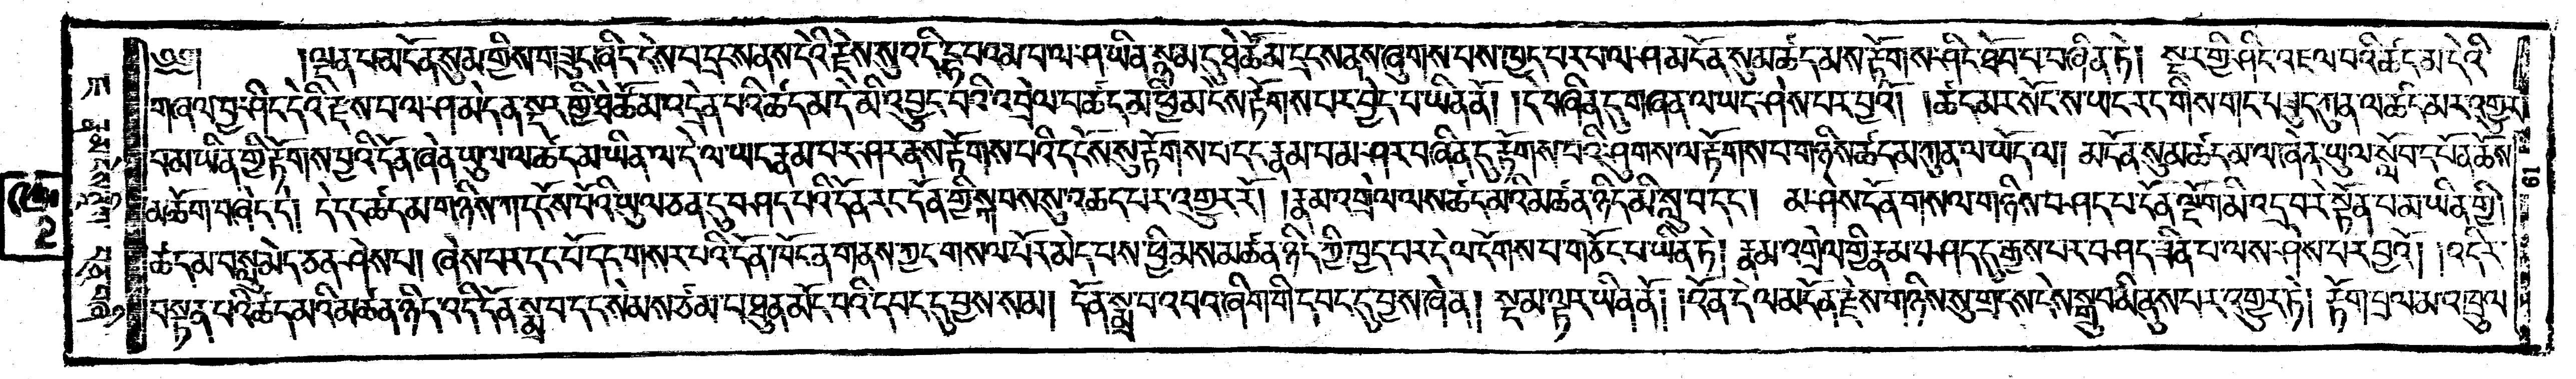༄༅། །ལྡན་པ་མངོན་སུམ་གྱིས་གཟུང་ཞིང་ངེས་པ་དྲངས་ནས་དེའི་རྗེས་སུ་འདི་དྷ་པའམ་པ་ལ་ཤ་ཡིན་སྙམ་དུ་ཐེ་ཚོམ་དྲངས་ནས་ཞུགས་པས་ཁྱད་པར་པ་ལ་ཤ་མངོན་སུམ་ཚད་མས་རྟོགས་ཤིང་ཐོབ་པ་བཞིན་ཏེ། སྔར་གྱི་ཤིང་འཇལ་བའི་ཚད་མ་དེའི་
གཞལ་བྱ་ཤིང་དེའི་རྫས་པ་ལ་ཤ་མེད་ན་སྔར་གྱི་ཐེ་ཚོམ་འདྲེན་པའི་ཚད་མ་དེ་མི་འབྱུང་བའི་འབྲེལ་པ་ཚད་མ་ཕྱི་མ་ངེས་རྟོགས་པར་བྱེད་པ་ཡིན་ནོ། །དེ་བཞིན་དུ་གཞན་ལ་ཡང་ཤེས་པར་བྱའོ། །ཚད་མར་སོང་ས་ཡང་རང་གིས་གང་བཟུང་ཀུན་ལ་ཚད་མར་འགྱུར་
པ་མ་ཡིན་གྱི་རྟོགས་བྱའི་དོན་ཞེན་ཡུལ་ལ་ཚད་མ་ཡིན་ལ་དེ་ལ་ཡང་རྣམ་པར་ཤར་ནས་རྟོགས་པའི་དངོས་སུ་རྟོགས་པ་དང་རྣམ་པ་མ་ཤར་བཞིན་དུ་རྟོགས་པའི་ཤུགས་ལ་རྟོགས་པ་གཉིས་ཚད་མ་ཀུན་ལ་ཡོད་ལ། མངོན་སུམ་ཚད་མ་ལ་ཞེན་ཡུལ་སློབ་དཔོན་ཆོས་
མཆོག་བཞེད་དེ། དེ་དང་ཚད་མ་གཉིས་ཀ་དངོས་པོའི་ཡུལ་ཅན་དུ་བཤད་པའི་དོན་རང་དོན་གྱི་སྐབས་སུ་འཆད་པར་འགྱུར་རོ། །རྣམ་འགྲེལ་ལས་ཚད་མའི་མཚན་ཉིད་མི་སླུ་བ་དང་། མ་ཤེས་དོན་གསལ་གཉིས་བཤད་པ་དོན་ལྡོག་མི་འདྲ་བ་རེ་སྟོན་པ་མ་ཡིན་གྱི།
ཚད་མ་བསླུ་མེད་ཅན་ཤེས་པ། ཞེས་པར་དང་པོ་དང་གསར་པའི་དོན་ཁོང་ན་གནས་ཀྱང་གསལ་པོར་མེད་པས་ཕྱི་མས་མཚན་ཉིད་ཀྱི་ཁྱད་པར་དེ་ལ་དོགས་པ་གཅོད་པ་ཡིན་ཏེ། རྣམ་འགྲེལ་གྱི་རྣམ་བཤད་དུ་རྒྱས་པར་བཤད་ཟིན་པ་ལས་ཤེས་པར་བྱའོ། །འདིར་
བསྟན་པའི་ཚད་མའི་མཚན་ཉིད་འདི་དོན་སྨྲ་བ་དང་སེམས་ཙམ་པ་ཐུན་མོང་བའི་དབང་དུ་བྱས་སམ། དོན་སྨྲ་བ་འབའ་ཞིག་གི་དབང་དུ་བྱས་ཞེ་ན། སྔ་མ་ལྟར་ཡིན་ནོ། །འོ་ན་དེ་ལ་མངོན་རྗེས་གཉིས་སུ་གྲངས་ངེས་སྒྲུབ་མི་ནུས་པར་འགྱུར་ཏེ། རྟོག་བྲལ་མ་འཁྲུལ་